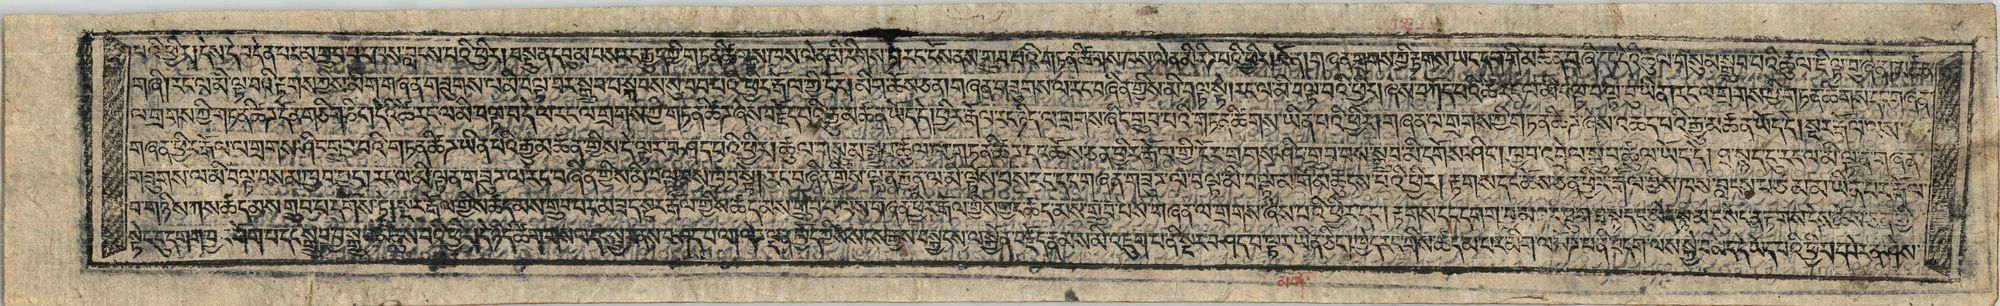པའི་ཕྱིར། དེས་དེ་བདེན་པར་མ་གྲུབ་པར་ཁས་བླངས་པའི་ཕྱིར། བསྡུ་ན་དབུ་མ་པས་རང་རྒྱུད་ཀྱི་གཏན་ཚིགས་ཁས་ལེན་མི་རིགས་ཏེ། རང་ངོས་ནས་གྲུབ་པའི་གཏན་ཚིགས་ཁས་ལེན་མི་རིགས་པའི་ཕྱིར། འོ་ན། གཞན་གྲགས་ཀྱི་རྟགས་ཡང་དག་གི་མཚན་གཞི་དང་དེའི་ཚུལ་གསུམ་སྒྲུབ་པའི་ཚུལ་ཇི་ལྟ་བུ་ཞེ་ན། མཚན་
གཞི། རང་ལ་མི་ལྟ་བའི་རྟགས་ཀྱིས་མིག་གཞན་གཟུགས་ལ་མི་བལྟ་བར་སྒྲུབ་པ་སྐབས་སུ་བབ་པའི་ཕྱིར་རྒོལ་གྱི་ངོར། མིག་ཆོས་ཅན། གཞན་གཟུགས་ལ་རང་བཞིན་གྱིས་མི་བལྟ་སྟེ། རང་ལ་མི་བལྟ་བའི་ཕྱིར། ཞེས་བཀོད་པའི་ཚེ་རང་ལ་མི་བལྟ་བ་ལྟ་བུ་ཡིན། རང་ལ་གྲགས་ཀྱི་གཏན་ཚིགས་དང་གཞན་
ལ་གྲགས་ཀྱི་གཏན་ཚིགས་དོན་གཅིག་ཅིང་། དེའི་ཚེ་རང་ལ་མི་བལྟ་བ་དེ་ལ་རང་ལ་གྲགས་ཀྱི་གཏན་ཚིགས་ཞེས་བརྗོད་པའི་རྒྱུ་མཚན་ཡོད་དེ། ཕྱིར་རྒོལ་རང་ཉིད་ལ་གྲགས་ཞིང་གྲུབ་པའི་གཏན་ཚིགས་ཡིན་པའི་ཕྱིར། གཞན་ལ་གྲགས་ཀྱི་གཏན་ཚིགས་ཞེས་འཆད་པའི་རྒྱུ་མཚན་ཡོད་དེ། སྔར་རྒོལ་ལས་
གཞན་ཕྱིར་རྒོལ་ལ་གྲགས་ཤིང་གྲུབ་པའི་གཏན་ཚིགས་ཡིན་པའི་རྒྱུ་མཚན་གྱིས་དེ་ལྟར་བཤད་པའི་ཕྱིར། ཚུལ་གསུམ་སྒྲུབ་ཚུལ་ལ་གཏན་ཚིགས་དང་ཆོས་ཅན་ཕྱིར་རྒོལ་གྱི་ངོར་གྲགས་ཤིང་གྲུབ་པས་སྒྲུབ་མི་དགོས་ཤིང་། ཁྱབ་འབྲེལ་སྒྲུབ་ཚུལ་ཡོད་དེ། ཐ་སྙད་དུ་རང་ལ་མི་ལྟ་ན་གཞན་
གཟུགས་ལ་མི་བལྟ་བས་མ་ཁྱབ་ཀྱང་། རང་ལ་མི་ལྟངྯུགས་ལ་རང་བཞིན་གྱིས་མི་བལྟ་བས་ཁྱབ་སྟེ། རང་བཞིན་གྱིས་ལྟ་ན་རྐྱེན་ལ་མི་ལྟོས་བས་རང་དང་གཞན་གཟུགས་ལ་བལྟ་མི་བལྟ་མགོ་མཚུངས་པའི་ཕྱིར། རྟགས་དང་ཆོས་ཅན་ཕྱིར་རྒོལ་ཀྱིས་ཁས་བླངས་པ་ཙམ་མ་ཡིན་པར་རྒོལ་
བ་གཉིས་ཀས་ཚད་མས་གྲུབ་པ་དགོས་ཏེ། སྔར་རྒོལ་གྱིས་ཚད་མས་གྲུབ་པར་མ་ཟད་སྔར་རྒོལ་གྱིས་ཚད་མས་གྲུབ་པ་ལས་གཞན་ཕྱིར་རྒོལ་གྱིས་ཀྱང་ཚད་མས་གྲུབ་པས་གཞན་ལ་གྲགས་ཞེས་པའི་ཕྱིར་དང་། རྟགས་དང་དགག་བྱ་མཐར་ཐུག་ཐ་སྙད་དུ་མེད་སྙམ་དུ་སོང་ན་རྟགས་དེས་ཆོས་ཅན་གྱི་
སྟེང་དུ་དགག་བྱ་འགོག་པ་དང་སྒྲུབ་བྱ་སྒྲུབ་མི་ནུས་པའི་ཕྱིར། དེ་ཉིད་ཚིག་གསལ་དང་སྦྱར་ནས་བཤད་པ་ལ། ལེགས་ལྡན་ཁྱོད་ཀྱིས་སངས་རྒྱས་བསྐྱངས་ལ་སྐྱོན་བརྗོད་རྣམས་མི་འཇུག་པ་ནི་སྔར་བཤད་པ་ལྟར་ཡིན་ཅིང་། ཁྱེད་རང་གིས་ཚད་མ་བར་མིག་ལ་སོགས་པ་ནི་བདག་ལས་སྐྱེ་བ་མེད་དེ་ཡོད་པའི་ཕྱིར། དཔེར་ན་ཤེས་